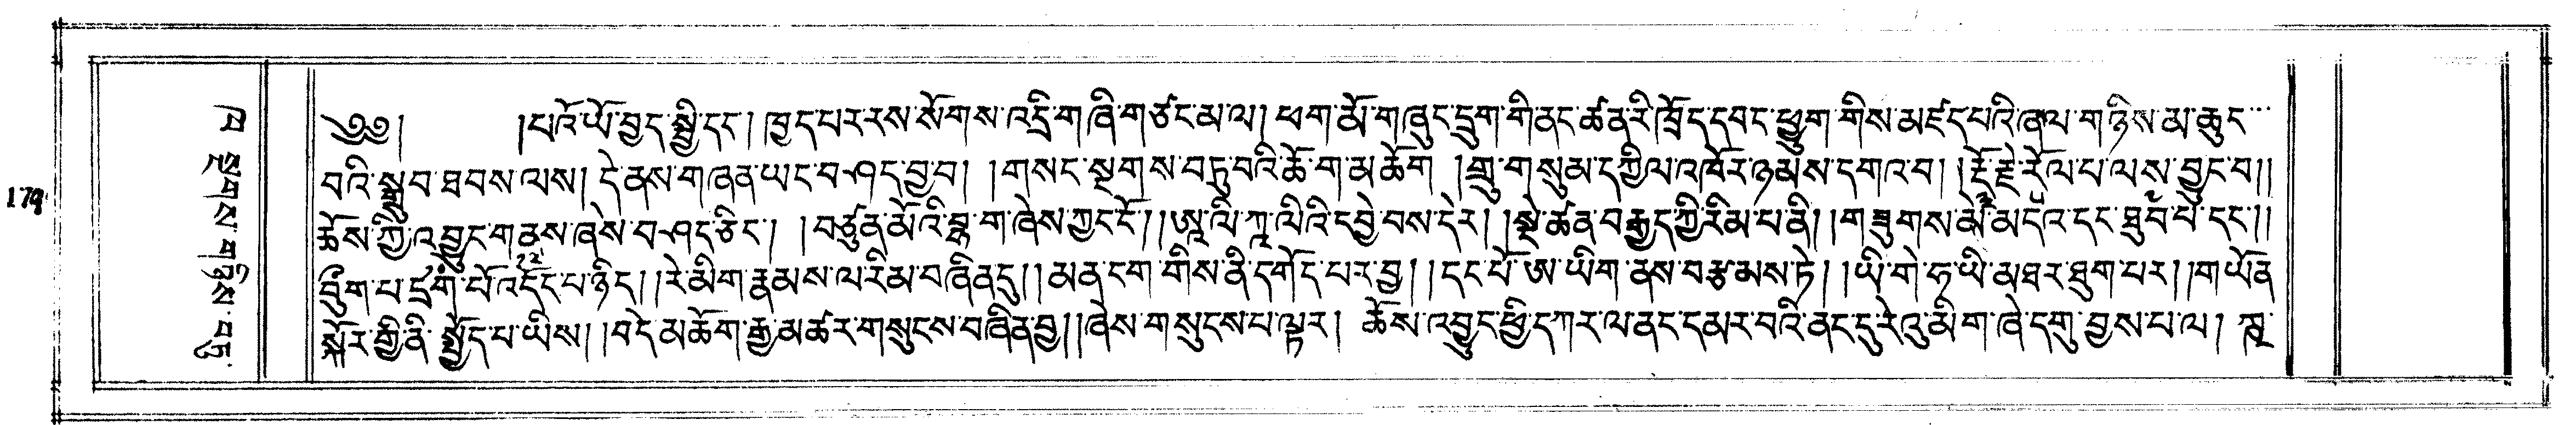༄༅། །པའོ་ཡོ་བྱད་སྤྱི་དང་། ཁྱད་པར་རས་སོགས་འདྲི་གཞི་གཙང་མ་ལ། ཕག་མོ་གཞུང་དྲུག་གི་ནང་ཚན་རི་ཁྲོད་དབང་ཕྱུག་གིས་མཛད་པའི་ཞལ་གཉིས་མ་ཆུང་
བའི་སྒྲུབ་ཐབས་ལས། དེ་ནས་གཞན་ཡང་བཤད་བྱ་བ། །གསང་སྔགས་བཏུ་བའི་ཆོ་ག་མཆོག །གྲུ་གསུམ་དཀྱིལ་འཁོར་ཉམས་དགའ་བ། །རྡོ་རྗེ་རོལ་པ་ལས་བྱུང་བ། །
ཆོས་ཀྱི་འབྱུང་གནས་ཞེས་བཤད་ཅིང་། །བཙུན་མོའི་བྷ་ག་ཞེས་ཀྱང་ངོ། །ཨཱ་ལི་ཀཱ་ལིའི་དབྱེ་བས་དེར། །སྡེ་ཚན་བརྒྱད་ཀྱི་རིམ་པ་ནི། །གཟུགས་མེ ༣་མདའ ༥་དང་ཐུབ ༧་པ་དང་། །
བུག ༩་པ་དྲག ༡༠་པོ་འདོད ༡༢་པ་ཉིད། །རེ་མིག་རྣམས་ལ་རིམ་བཞིན་དུ། །མན་ངག་གིས་ནི་དགོད་པར་བྱ། །དང་པོ་ཨ་ཡིག་ནས་བརྩམས་ཏེ། །ཡི་གེ་ཧ་ཡི་མཐར་ཐུག་པར། །གཡོན་
སྐོར་གྱི་ནི་སྤྱོད་པ་ཡིས། །བདེ་མཆོག་རྒྱ་མཚར་གསུངས་བཞིན་བྱ། །ཞེས་གསུངས་པ་ལྟར། ཆོས་འབྱུང་ཕྱི་དཀར་ལ་ནང་དམར་བའི་ནང་དུ་རེའུ་མིག་ཞེ་དགུ་བྱས་པ་ལ། ཀྵ་